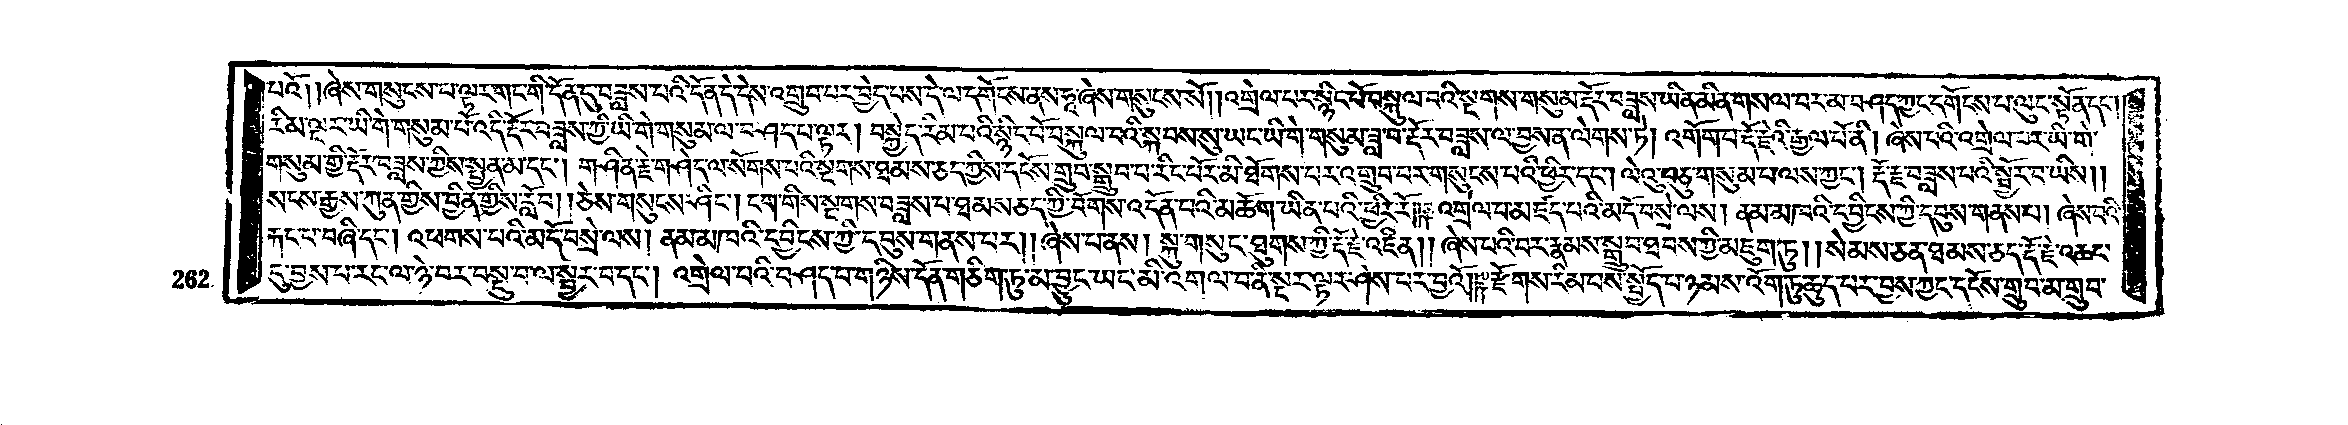པའོ། །ཞེས་གསུངས་པ་ལྟར་གང་གི་དོན་དུ་བཟླས་པའི་དོན་དེ་དེས་འགྲུབ་པར་བྱེད་པས་དེ་ལ་དགོངས་ནས་ཧཱ་ཞེས་གསུངས་སོ། །འགྲེལ་པར་སྙིང་པོ་བསྐུལ་བའི་སྔགས་གསུམ་རྡོར་བཟླས་ཡིན་མིན་གསལ་བར་མ་བཤད་ཀྱང་དགོངས་པ་ལུང་སྟོན་དང་།
རིམ་ལྔར་ཡི་གེ་གསུམ་པོ་འདི་རྡོར་བཟླས་ཀྱི་ཡི་གེ་གསུམ་ལ་བཤད་པ་ལྟར། བསྐྱེད་རིམ་པའི་སྙིང་པོ་བསྐུལ་བའི་སྐབས་སུ་ཡང་ཡི་གེ་གསུམ་ཟླ་བ་རྡོར་བཟླས་ལ་བྱས་ན་ལེགས་ཏེ། འགེག་པ་རྡོ་རྗེའི་རྒྱལ་པོ་ནི། ཞེས་པའི་འགྲེལ་པར་ཡི་གེ་
གསུམ་གྱི་རྡོར་བཟླས་ཀྱིས་སྤྱན་མ་དང་། གཤིན་རྗེ་གཤེད་ལ་སོགས་པའི་སྔགས་ཐམས་ཅད་ཀྱིས་དངོས་གྲུབ་སྒྲུབ་པ་རིང་པོར་མི་ཐོགས་པར་འགྲུབ་པར་གསུངས་པའི་ཕྱིར་དང་། ལེའུ་བཅུ་གསུམ་པ་ལས་ཀྱང་། རྡོ་རྗེ་བཟླས་པའི་སྦྱོར་བ་ཡིས། །
སངས་རྒྱས་ཀུན་གྱིས་བྱིན་གྱིས་རློབ། །ཅེས་གསུངས་ཤིང་། ངག་གིས་སྔགས་བཟླས་པ་ཐམས་ཅད་ཀྱི་བོགས་འདོན་པའི་མཆོག་ཡིན་པའི་ཕྱིར་རོ།། ༈ འགྲེལ་པ་མཛད་པའི་མདོ་བསྲེ་ལས། ནམ་མཁའི་དབྱིངས་ཀྱི་དབུས་གནས་པ། ཞེས་པའི་
རྐང་པ་བཞི་དང་། འཕགས་པའི་མདོ་བསྲེ་ལས། ནམ་མཁའི་དབྱིངས་ཀྱི་དབུས་གནས་པར། །ཞེས་པ་ནས། སྐུ་གསུང་ཐུགས་ཀྱི་རྡོ་རྗེ་འཛིན། །ཞེས་པའི་བར་རྣམས་སྒྲུབ་ཐབས་ཀྱི་མཇུག་ཏུ། །སེམས་ཅན་ཐམས་ཅད་རྡོ་རྗེ་འཆང་
དུ་བྱས་པ་རང་ལ་ཉེ་བར་བསྡུ་བ་ལ་སྦྱར་བ་དང་། འགྲེལ་པའི་བཤད་པ་གཉིས་དོན་གཅིག་ཏུ་མ་བྱུང་ཡང་མི་འགལ་བ་ནི་སྔར་ལྟར་ཤེས་པར་བྱའོ།། ༈ རྫོགས་རིམ་པས་སྤྱོད་པ་ཉམས་འོག་ཏུ་ཆུད་པར་བྱས་ཀྱང་དངོས་གྲུབ་མ་གྲུབ་